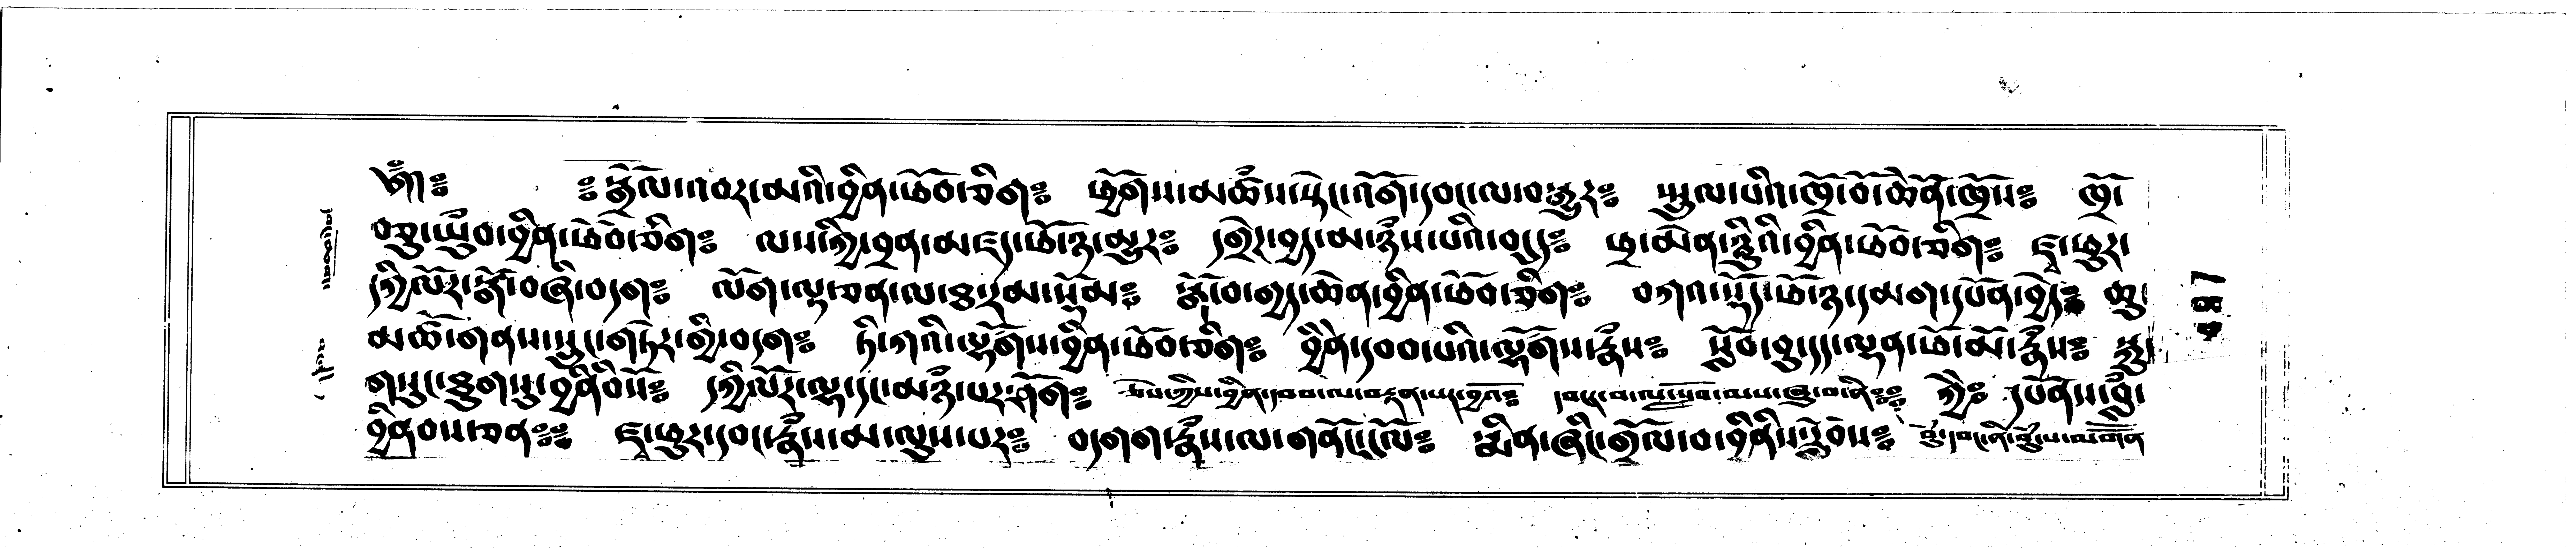༔སྒྲོལ་འབར་མའི་བྱིན་ཕོབ་ཅིག༔ཕྱོགས་མཚམས་སྟེང་འོག་དབང་ལ་བསྒྱུར༔སྤྲུལ་པའི་ཁྲོ་བོ་ཆེན་པོ་ཁྲོས༔ཁྲོ་
བཅུ་ཡབ་ཡུམ་བྱིན་ཕོབ་ཅིག༔ལས་ཀྱི་བྲན་མཛད་ཕོ་ཉ་མྱུར༔དགྲ་བགེགས་བྱད་མ་ཉམས་པའི་བདུད༔ཕྲ་མེན་ཉི་ཤུའི་བྱིན་ཕོབ་ཅིག༔ཛྭ་ཕུར་
དཀྱིལ་འཁོར་སྒོ་བཞི་བདག༔ལོག་ལྟ་ཅན་ལ་ཐ་རམ་སྡོམ༔སྒོ་བ་གྱད་ཆེན་བྱིན་ཕོབ་ཅིག༔བཀའ་སྡོད་ཕོ་ཉ་དམག་དཔོན་བྱེད༔ཆུ་
མཚོ་གནས་སྲུང་གཏེར་གྱི་བདག༔ཏི་ཀའི་ལྷ་ཚོགས་བྱིན་ཕོབ་ཅིག༔བྱིན་ཆེན་དབབ་པའི་ལྷ་ཚོགས་རྣམས༔སློབ་བུ་དད་ལྡན་ཕོ་མོ་རྣམས༔སྐུ་
གསུང་ཐུགས་སུ་བྱིན་གྱིས་རློབས༔དཀྱིལ་འཁོར་ལྷ་དང་མཉམ་པར་ཤོག༔ཅེས་ཀྱིས་བྱིན་དབབ་ལ་བརྟན་པར་བྱའོ༔དབང་བསྐུར་བ་ལ་སློབ་མས་ཞུ་བ་ནི༔༔ཀྱཻ༔དཔོནས་བླ་མ་
བྱིན་རླབས་ཅན༔ ཛྭ་ཕུར་དབང་རྣམས་མ་ལུས་པར༔བདག་ཅག་རྣམས་ལ་གནང་དུ་གསོལ༔ སྨིན་ཞིང་གྲོལ་བར་བྱིན་གྱིས་རློབས༔བུམ་དབང་ནི་བུམ་པ་མགོན་པོ་